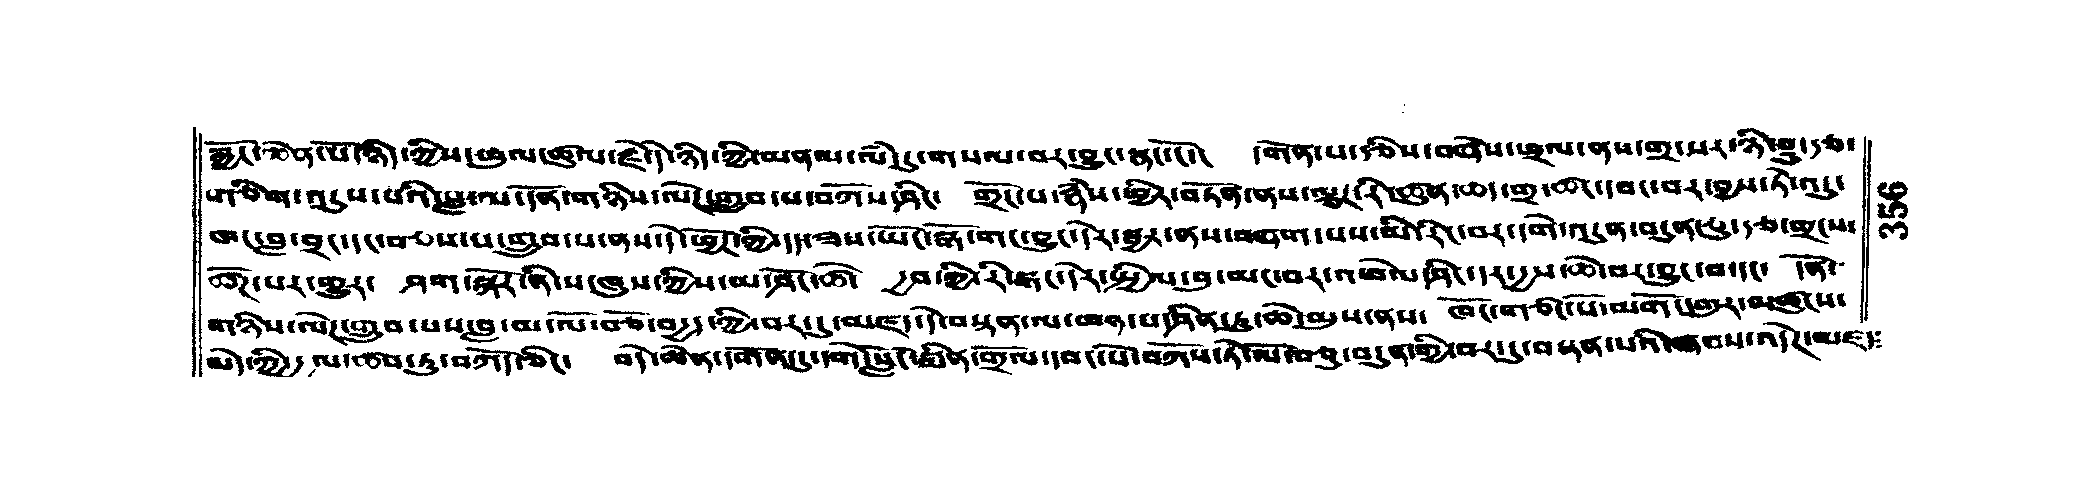སྐྱོང་ཆེན་པོ་ཉིད་ཀྱིས་ཕུལ་ཚུལ་རྗེ་དེ་ཉིད་ཀྱི་མནལ་ལམ་དུ་གསལ་བར་བྱུང་སྣང་ངོ་། དགོན་པ་རྩིས་བཞེས་ཕྲལ་ནས་གྲྭ་སར་ཉི་ཤུ་རྩ་
གཅིག་འདུས་པའི་བླ་མ་དོན་གཉིས་ལེགས་གྲུབ་པ་བཀོས་ཤིང་། གྲོང་པ་རྣམས་ཕྱིར་བཏོན་ནས་ལྕགས་རི་ཚུན་ཆད་གྲྭ་ཚང་ལ་དབང་བར་བྱས་ཏེ་འདུ་
ཁང་བླ་བྲང་དང་བཅས་པ་གྲུབ་པ་ནས་དེ་ཕྱོགས་ཀྱི་དད་ཟས་ཡོང་སྒོ་གང་བྱུང་དེར་སྦྱར་ནས་བཞག་པས་མི་རིང་བར་དགེ་འདུན་བདུན་ཅུ་རྩ་གྲངས་
ཚོགས་པར་གྱུར། ཤག་སྐོར་ནི་ས་ཁང་ཀྱིས་མ་ཤོང་ཚེ། རྒྱབ་ཀྱི་རི་སྒང་དེར་སྤྱིལ་བུ་མང་བར་འཕེལ་ཤིང་དར་རྒྱས་ཆེ་བར་བྱུང་བ་དང་། དོན་
གཉིས་ལེགས་གྲུབ་པས་བླ་མ་ལོ་བཅོ་བརྒྱད་ཀྱི་བར་དུ་མཛད་དེ་བསྟན་ལ་ཕན་པ་ཤིན་ཏུ་ཆེ་མུས་ནས། ཁོང་གཙང་པོ་མགོ་དགུར་མཚུངས་
མེད་ཀྱི་རྒྱལ་ཚབ་ཏུ་བཀོད་ཅིང་། བདེ་ཆེན་དགོན་དུ་དགེ་སློང་སྨིན་གྲོལ་དབང་པོ་བཀོས་ཏེ་ལོ་བཅུ་བདུན་གྱི་བར་དུ་བསྟན་པའི་ཞབས་འདེགས་མཛད་